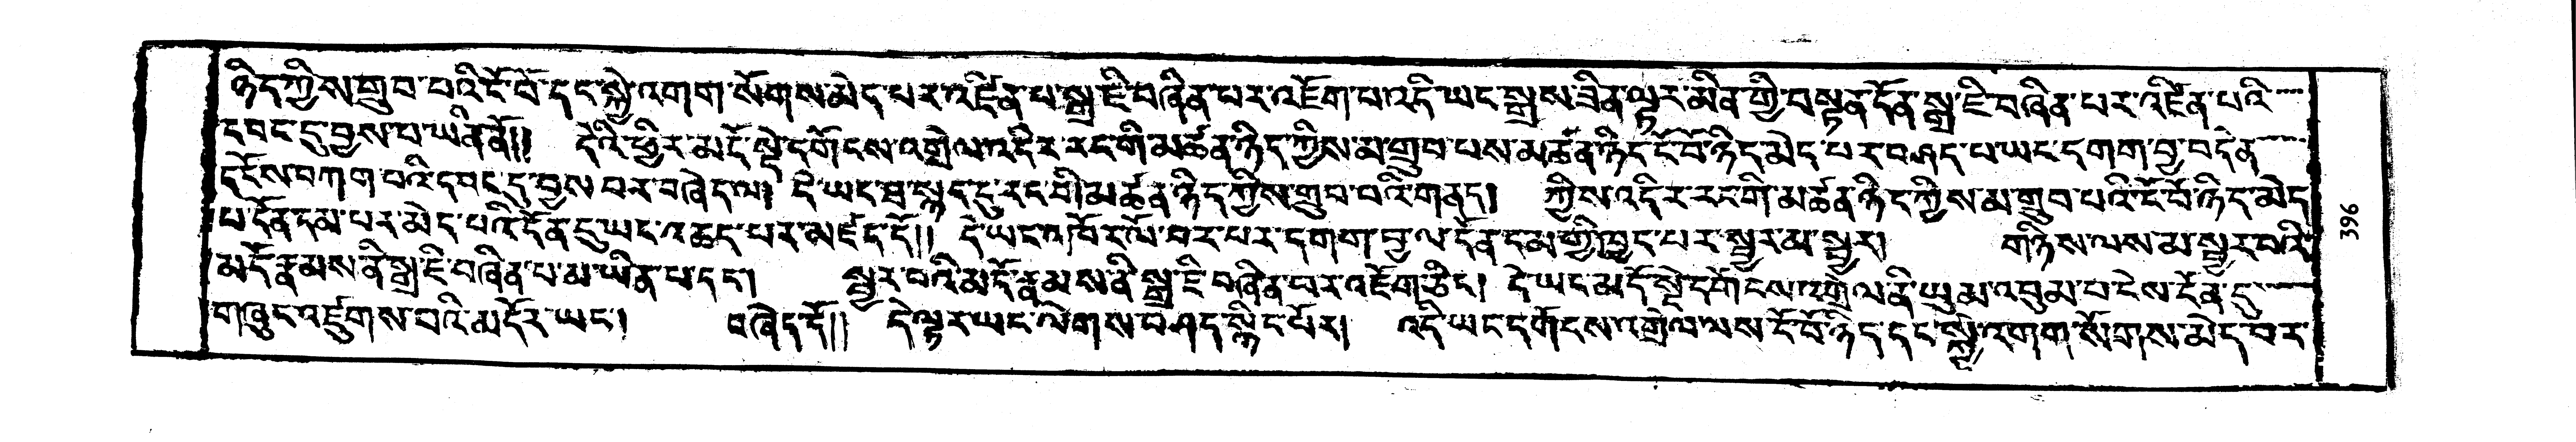ཉིད་ཀྱིས་གྲུབ་པའི་ངོ་བོ་དང་སྐྱེ་འགག་སོགས་མེད་པར་འཛིན་པ་སྒྲ་ཇི་བཞིན་པར་འཇོག་པ་འདི་ཡང་སྒྲས་ཟིན་ལྟར་མིན་གྱི་བསྟན་དོན་སྒྲ་ཇི་བཞིན་པར་འཛིན་པའི་
དབང་དུ་བྱས་པ་ཡིན་ནོ།། དེའི་ཕྱིར་མདོ་སྡེ་དགོངས་འགྲེལ་འདིར་རང་གི་མཚན་ཉིད་ཀྱིས་མ་གྲུབ་པས་མཚན་ཉིད་ངོ་བོ་ཉིད་མེད་པར་བཤད་པ་ཡང་དགག་བྱ་བདེན་
དངོས་བཀག་པའི་དབང་དུ་བྱས་པར་བཞེད་ལ། དེ་ཡང་ཐ་སྙད་དུ་རང་གི་མཚན་ཉིད་ཀྱིས་གྲུབ་པའི་གནད། ཀྱིས་འདིར་རང་གི་མཚན་ཉིད་ཀྱིས་མ་གྲུབ་པའི་ངོ་བོ་ཉིད་མེད་
པ་དོན་དམ་པར་མེད་པའི་དོན་དུ་ཡང་འཆད་པར་མཛད་དོ།། དེ་ཡང་འཁོར་ལོ་བར་པར་དགག་བྱ་ལ་དོན་དམ་གྱི་ཁྱད་པར་སྦྱར་མ་སྦྱར། གཉིས་ལས་མ་སྦྱར་བའི་
མདོ་རྣམས་ནི་སྒྲ་ཇི་བཞིན་པ་མ་ཡིན་པ་དང་། སྦྱར་བའི་མདོ་རྣམས་ནི་སྒྲ་ཇི་བཞིན་པར་འཇོག་ཅིང་། དེ་ཡང་མདོ་སྡེ་དགོངས་འགྲེལ་ནི་ཡུམ་འབུམ་པ་ངེས་དོན་དུ་
གཞུང་འཛུགས་པའི་མདོར་ཡང་། བཞེད་དོ།། དེ་ལྟར་ཡང་ལེགས་བཤད་སྙིང་པོར། འདི་ཡང་དགོངས་འགྲེལ་ལས་ངོ་བོ་ཉིད་དང་སྐྱེ་འགག་སོགས་མེད་པར་